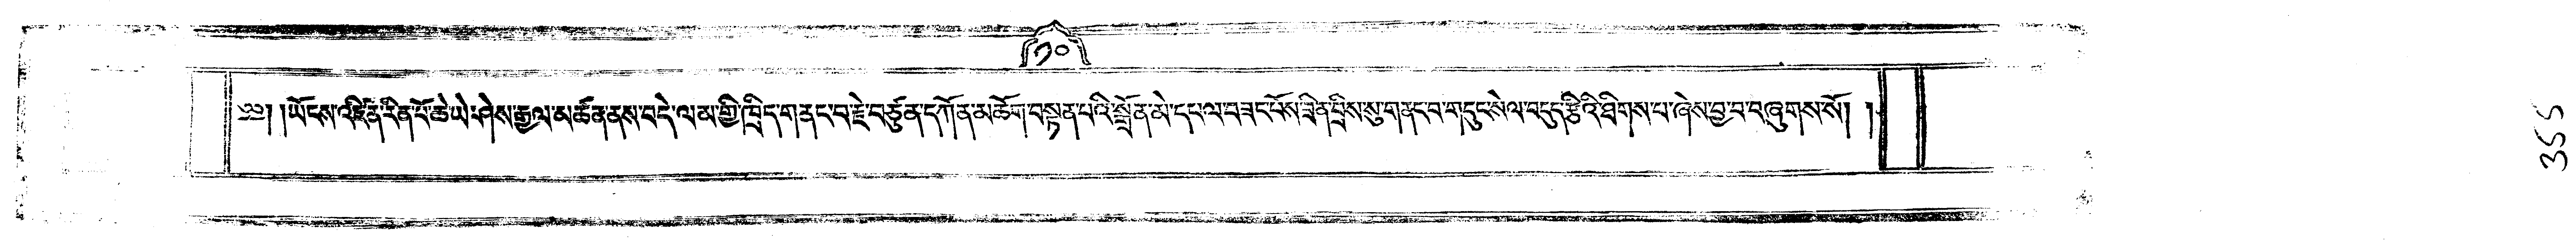༄༅། །ཡོངས་འཛིན་རིན་པོ་ཆེ་ཡེ་ཤེས་རྒྱལ་མཚན་ནས་བདེ་ལམ་གྱི་ཁྲིད་གནང་བ་རྗེ་བཙུན་དཀོན་མཆོག་བསྟན་པའི་སྒྲོན་མེ་དཔལ་བཟང་པོས་ཟིན་བྲིས་སུ་གནང་བ་གདུང་སེལ་བདུད་རྩིའི་ཐིགས་པ་ཞེས་བྱ་བ་བཞུགས་སོ། །